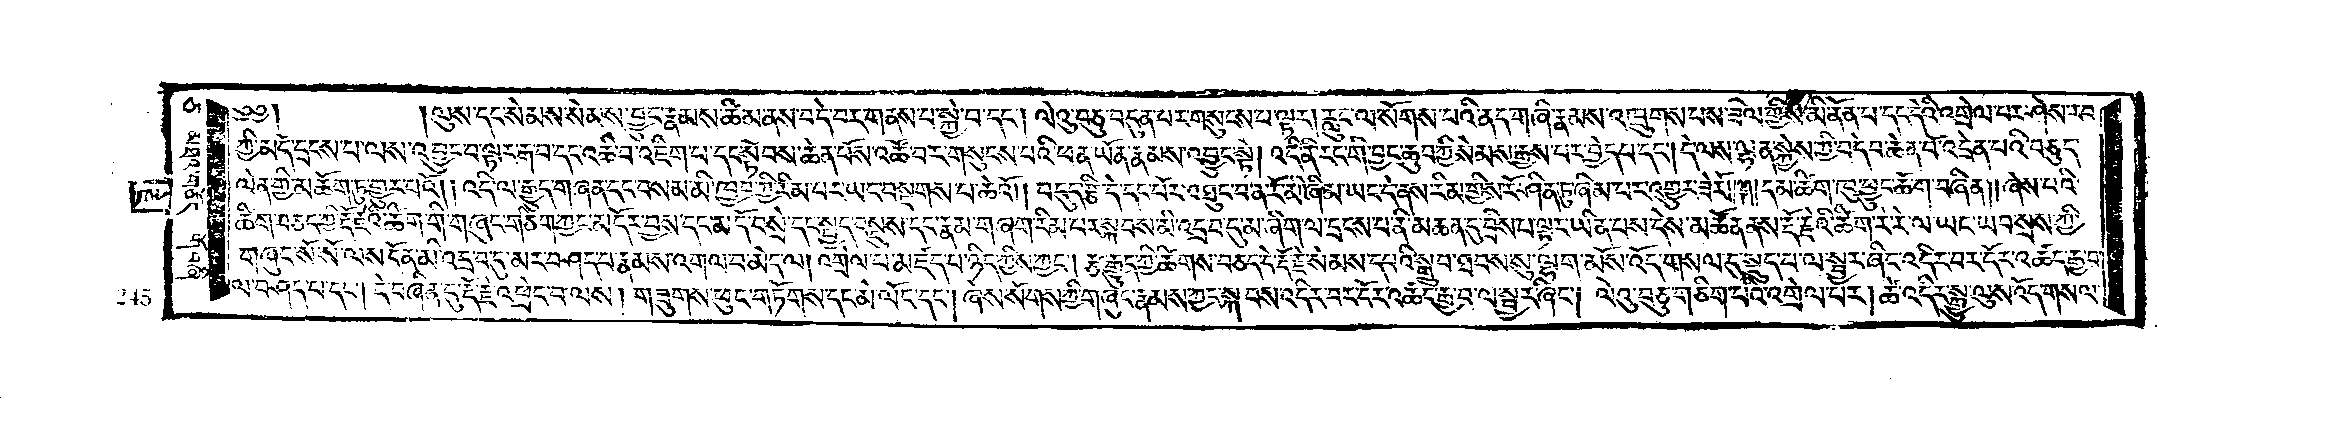༄༅། །ལུས་དང་སེམས་སེམས་བྱུང་རྣམས་ཚིམ་ནས་བདེ་བར་གནས་པ་སྐྱེ་བ་དང་། ལེའུ་བཅུ་བདུན་པར་གསུངས་པ་ལྟར། རླུང་ལ་སོགས་པའི་ནད་གཞི་རྣམས་འཁྲུགས་པས་ཟིལ་གྱིས་མི་ནོན་པ་དང་དེའི་འགྲེལ་པར་ཤེས་རབ་
ཀྱི་མདོ་དྲངས་པ་ལས་འབྱུང་བ་ལྟར་རྒ་བ་དང་འཆི་བ་འཇིག་པ་དང་སྟོབས་ཆེན་པོས་འཚོ་བར་གསུངས་པའི་ཕན་ཡོན་རྣམས་འབྱུང་སྟེ། འདི་ནི་རང་གི་བྱང་ཆུབ་ཀྱི་སེམས་རྒྱས་པར་བྱེད་པ་དང་། དེ་ལས་ལྷན་སྐྱེས་ཀྱི་བདེ་བ་ཆེན་པོ་འདྲེན་པའི་བཅུད་
ལེན་གྱི་མཆོག་ཏུ་གྱུར་པའོ། །འདི་ལ་རྒྱུད་གཞན་དང་བསམ་མི་ཁྱབ་ཀྱི་རིམ་པར་ཡང་བསྔགས་པ་ཆེའོ། །བདུད་རྩི་དེ་དང་པོར་འཐུང་བ་ན་རོ་མི་ཞིམ་ཡང་དེ་ནས་རིམ་གྱིས་རོ་ཤིན་ཏུ་ཞིམ་པར་འགྱུར་ཟེར་རོ།། ༈ །།དམ་ཚིག་ཁུ་ཕྱུང་ཆོ་ག་བཞིན། །ཞེས་པའི་
ཚིག་བཅད་ཀྱི་རྡོ་རྗེའི་ཚིག་གི་གཞུང་གཅིག་ཀྱང་མདོར་བྱས་དང་མདོ་བསྲེ་དང་སྤྱད་བསྡུས་དང་རྣམ་གཞག་རིམ་པར་སྐབས་མི་འདྲ་བ་དུ་མ་ཞིག་ལ་དྲངས་པ་ནི་མཚན་དུ་བྲིས་པ་ལྟར་ཡིན་པས་དེས་མཚོན་ནས་རྡོ་རྗེའི་ཚིག་རེ་རེ་ལ་ཡང་ཡབ་སྲས་ཀྱི་
གཞུང་སོ་སོ་ལས་དོན་མི་འདྲ་བ་དུ་མར་བཤད་པ་རྣམས་འགལ་བ་མེད་ལ། འགྲེལ་པ་མཛད་པ་ཉིད་ཀྱིས་ཀྱང་། རྩ་རྒྱུད་ཀྱི་ཚིགས་བཅད་དེ་རྡོ་རྗེ་སེམས་དཔའི་སྒྲུབ་ཐབས་སུ་ལྷག་མོས་འོད་གསལ་དུ་སྡུད་པ་ལ་སྦྱར་ཞིང་འདིར་བར་དོར་འཚང་རྒྱ་བ་
ལ་བཤད་པ་དང་། དེ་བཞིན་དུ་རྡོ་རྗེ་འཕྲེང་བ་ལས། གཟུགས་ཕུང་གཏོགས་དང་མེ་ལོང་དང་། ཞེས་སོགས་ཀྱི་གཞུང་རྣམས་ཀྱང་སྐབས་འདིར་བར་དོར་འཚང་རྒྱ་བ་ལ་སྦྱར་ཞིང་། ལེའུ་བཅུ་གཅིག་པའི་འགྲེལ་པར། ཚེ་འདིར་སྒྱུ་ལུས་འོད་གསལ་